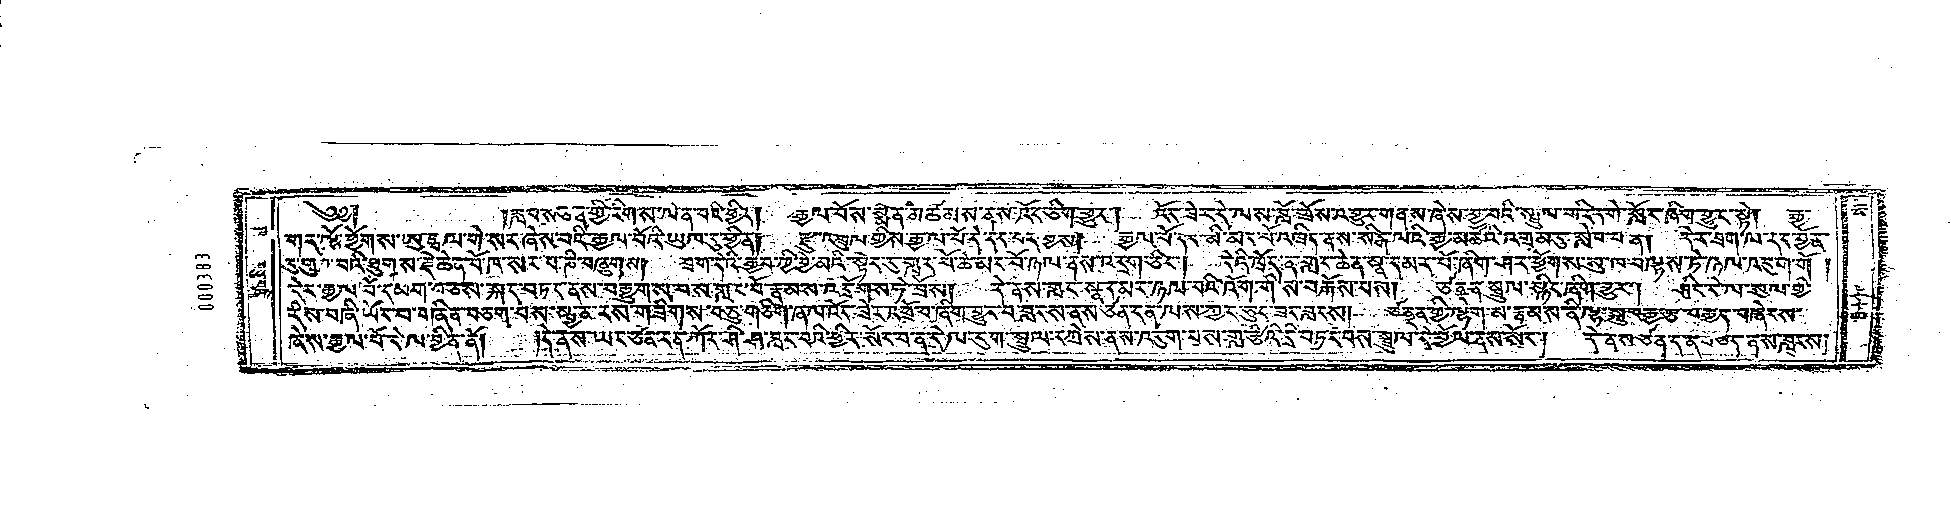༄༅། །རླབས་ཅན་གྱི་རིགས་ལེན་པའི་ཕྱིར། རྒྱལ་པོས་སྨིན་མཚམས་ནས་འོང་ཅིག་ཕྱུར། འོད་ཟེར་དེ་ལས་བློ་གྲོས་འབྱུང་གནས་ཞེས་བྱ་བའི་སྤྲུལ་པའི་དགེ་སློང་ཞིག་བྱུང་སྟེ། རྒྱ་
གར་ལྷོ་ཕྱོགས་ཨུཏྤལ་གེ་སར་ཞེས་པའི་རྒྱལ་པོའི་ཡུལ་དུ་ཕྱིན། རྫུ་འཕྲུལ་གྱིས་རྒྱལ་པོ་དེ་དང་པར་བྱས། རྒྱལ་པོ་དང་མི་མང་པོ་འཁྲིད་ནས་སིངྒ་ལའི་རྒྱ་མཚོའི་འགྲམ་དུ་སླེབ་པ་ན། དེར་བྲག་ལ་རང་བྱོན་
དུ་གྲུབ་པའི་ཐུགས་རྗེ་ཆེན་པོ་ཁ་སར་པ་ཎི་བཞུགས། བྲག་དེའི་རྒྱབ་ཀྱི་བྱེ་མའི་སྟེང་དུ་གླང་པོ་ཆེ་མང་པོ་ཉལ་ནས་འདུག་ཅིང་། དེའི་ཁྲོད་ན་གླང་ཆེན་སྣ་དམར་པོ་ཞིག་ཤར་ཕྱོགས་སུ་ཁ་བལྟས་ཏེ་ཉལ་འདུག་གོ །
དེར་རྒྱལ་པོ་དམག་བཅས་སྐད་བཏང་ནས་བརྒྱུགས་བས་གླང་པོ་རྣམས་འདྲོགས་ཏེ་བྲོས། དེ་ནས་གླང་སྣ་དམར་ཉལ་བའི་འོག་གི་ས་བརྐོས་པས། ཙནྡན་སྤྲུལ་སྙིང་ཞིག་བྱུང་། ཤིང་དེ་ལ་སུལ་གྱི་
རིས་བཞི་ཡོད་བ་བཞིན་བཅག་པས་སྤྱན་རས་གཟིགས་བཅུ་གཅིག་ཞལ་འོད་ཟེར་འཕྲོ་བ་ཞིག་བྱུང་བ་བླངས་ནས་ཙན་དན་ལས་ཀྱང་ཅུང་ཟད་བླངས། ཙནྡན་གྱི་ལྷག་མ་རྣམས་ནི་ལྷ་སྐུ་བརྒྱ་རྩ་བརྒྱད་བཞེངས་
ཞེས་རྒྱལ་པོ་དེ་ལ་བྱིན་ནོ། །དེ་ནས་ཡང་ཙན་དན་ཀོར་ཤི་ཤ་བླང་བའི་ཕྱིར་སོང་བ་ན་དེ་ལ་དུག་སྦྲུལ་དཀྲིས་ནས་འདུག་པས་གླ་རྩིའི་དྲི་བཏང་བས་སྦྲུལ་དེ་བྱོལ་ནས་སོང་། དེ་ནས་ཙན་དན་བཅད་ནས་བླངས་